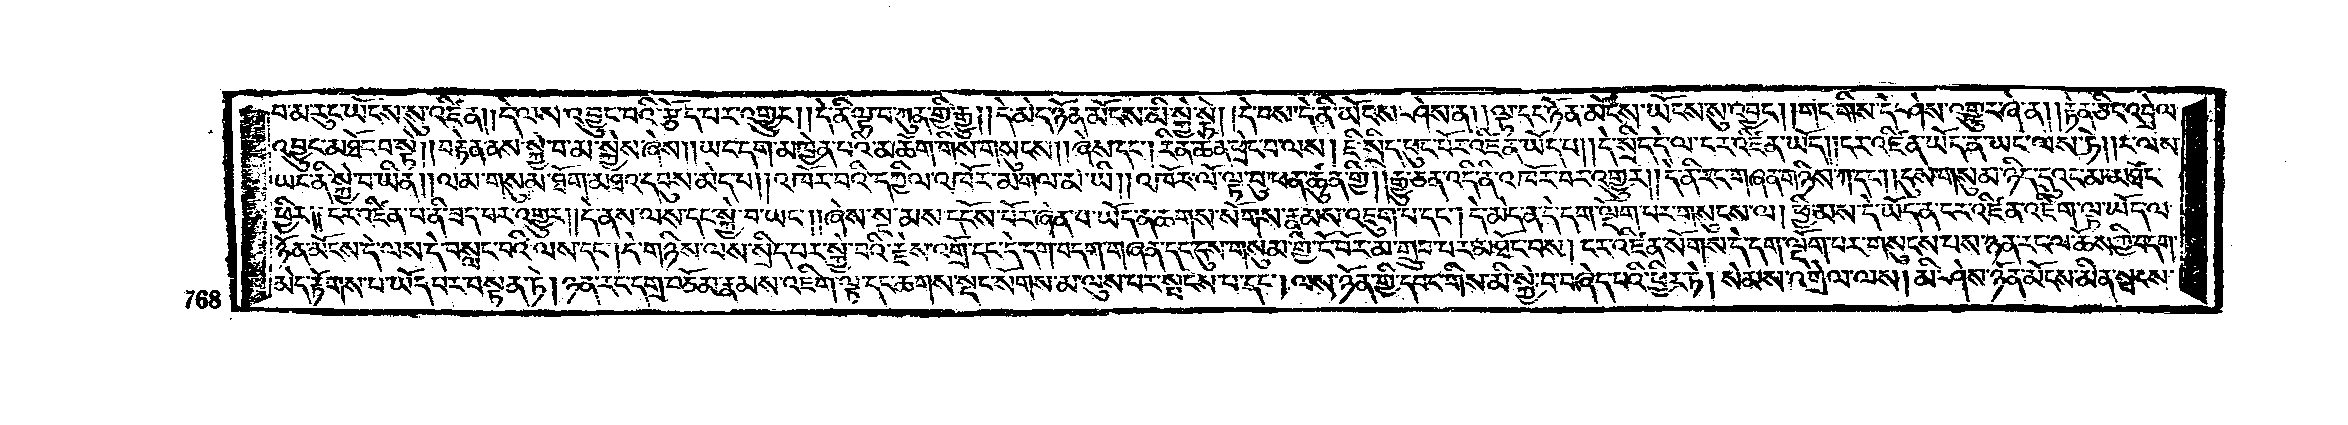བ་མ་རུང་ཡོངས་སུ་འཛིན། །དེ་ལས་འབྱུང་བའི་རྩོད་པར་འགྱུར། །དེ་ནི་ལྟ་བ་ཀུན་གྱི་རྒྱུ། །དེ་མེད་ཉོན་མོངས་མི་སྐྱེ་སྟེ། །དེ་ཐས་དེ་ནི་ཡོངས་ཤེས་ན། ལྟ་དང་ཉོན་མོངས་ཡོངས་སུ་འབྱང་། །གང་གིས་དེ་ཤེས་འགྱུར་ཞེ་ན། །རྟེན་ཅིང་འབྲེལ་
འབྱུང་མཐོང་བ་སྟེ། །བརྟེན་ནས་སྐྱེ་བ་མ་སྐྱེས་ཞེས། །ཡང་དག་མཁྱེན་པའི་མཆོག་གིས་གསུངས། །ཞེས་དང་། རིན་ཆེན་ཕྲེང་བ་ལས། ཇི་སྲིད་ཕུང་པོར་འཛིན་ཡོད་པ། །དེ་སྲིད་དེ་ལ་ངར་འཛིན་ཡོད། །ངར་འཛིན་ཡོད་ན་ཡང་ལས་ཏེ། །དེ་ལས་
ཡང་ནི་སྐྱེ་བ་ཡིན། །ལམ་གསུམ་ཐོག་མཐའ་དབུས་མེད་པ། །འཁོར་བའི་དཀྱིལ་འཁོར་མགལ་མེ་ཡི། །འཁོར་ལོ་ལྟ་བུ་ཕན་ཚུན་གྱི། །རྒྱུ་ཅན་འདི་ནི་འཁོར་བར་འགྱུར། །དེ་ནི་རང་གཞན་གཉིས་ཀ་དང་། །དུས་གསུམ་ཉིད་དུའང་མ་མཐོང་
ཕྱིར། །ངར་འཛིན་པ་ནི་ཟད་པར་འགྱུར། །དེ་ནས་ལས་དང་སྐྱེ་བ་ཡང་། །ཞེས་སྔ་མས་དངོས་པོར་ཞེན་པ་ཡོད་ན་ཆགས་སོགས་རྣམས་འཇུག་པ་དང་། དེ་མེད་ན་དེ་དག་ལྡོག་པར་གསུངས་ལ། ཕྱི་མས་དེ་ཡོད་ན་ངར་འཛིན་འཇིག་ལྟ་ཡོད་ལ་
ཉོན་མོངས་དེ་ལས་དེ་བསླང་བའི་ལས་དང་། དེ་གཉིས་ལས་སྲིད་པར་སྐྱེ་བའི་རྗེས་འགྲོ་དང་དེ་དག་བདག་གཞན་དང་དུས་གསུམ་གྱི་ངོ་བོར་མ་གྲུབ་པར་མཐོང་བས། ངར་འཛིན་སོགས་དེ་དག་ལྡོག་པར་གསུངས་པས་ཉན་རང་ལ་ཆོས་ཀྱི་བདག་
མེད་རྟོགས་པ་ཡོད་པར་བསྟན་ཏེ། ཉན་རང་དགྲ་བཅོམ་རྣམས་འཇིག་ལྟ་དང་ཆགས་སྡང་སོགས་མ་ལུས་པར་སྤངས་པ་དང་། ལས་ཉོན་གྱི་དབང་གིས་མི་སྐྱེ་བ་བཞེད་པའི་ཕྱིར་ཏེ། སེམས་འགྲེལ་ལས། མི་ཤེས་ཉོན་མོངས་མིན་སྤངས་